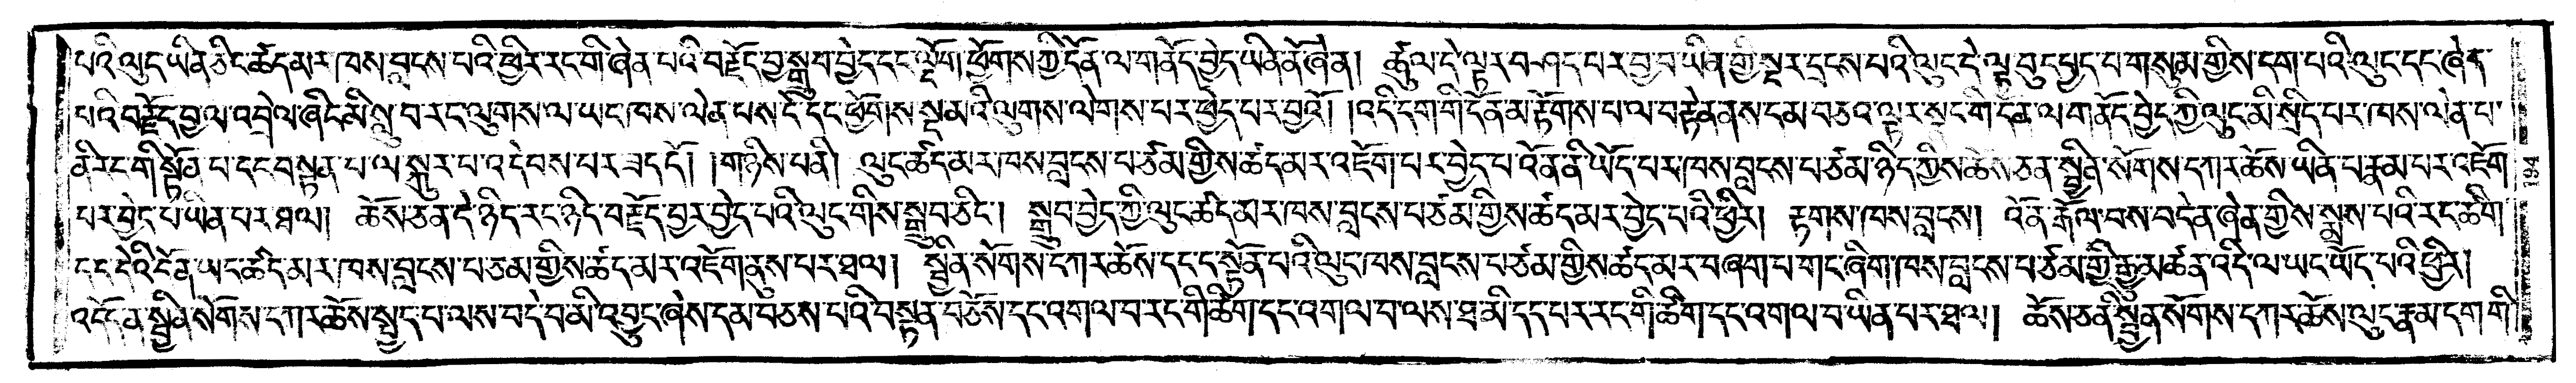པའི་ལུང་ཡིན་ཅིང་ཚད་མར་ཁས་བླངས་པའི་ཕྱིར་རང་གི་ཞེན་པའི་བརྗོད་བྱ་སྒྲུབ་བྱེད་དང་ལྡོག་ཕྱོགས་ཀྱི་དོན་ལ་གནོད་བྱེད་ཡིན་ནོ་ཞེ་ན། ཚུལ་དེ་ལྟར་བཤད་པར་བྱ་བ་ཡིན་གྱི་སྔར་དྲངས་པའི་ལུང་དེ་ལྟ་བུ་དཔྱད་པ་གསུམ་གྱིས་དག་པའི་ལུང་དང་ཞེད་
པའི་བརྗོད་བྱ་ལ་འབྲེལ་ཞིང་མི་སླུ་བ་རང་ལུགས་ལ་ཡང་ཁས་ལེན་པས་དེ་དང་ཕྱོགས་སྔ་མའི་ལུགས་ལེགས་པར་ཕྱེད་པར་བྱའོ། །འདི་དག་གི་དོན་མ་རྟོགས་པ་ལ་བརྟེན་ནས་དམ་བཅའ་ལྟར་སྣང་གི་དོན་ལ་གནོད་བྱེད་ཀྱི་ལུང་མི་སྲིད་པར་ཁས་ལེན་པ་
ནི་རང་གི་སྟོན་པ་དང་བསྟན་པ་ལ་སྐུར་པ་འདེབས་པར་ཟད་དོ། །གཉིས་པ་ནི། ལུང་ཚད་མར་ཁས་བླངས་པ་ཙམ་གྱིས་ཚད་མར་འཇོག་པར་བྱེད་པ་འོ་ན་ནི་ཡོད་པར་ཁས་བླངས་པ་ཙམ་ཉིད་ཀྱིས་ཆོས་ཅན་སྦྱིན་སོགས་དཀར་ཆོས་ཡིན་པ་རྣམ་པར་འཇོག་
པར་བྱེད་པ་ཡིན་པར་ཐལ། ཆོས་ཅན་དེ་ཉིད་རང་ཉིད་བརྗོད་བྱར་བྱེད་པའི་ལུང་གིས་སྒྲུབ་ཅིང་། སྒྲུབ་བྱེད་ཀྱི་ལུང་ཚད་མར་ཁས་བླངས་པ་ཙམ་གྱིས་ཚད་མར་བྱེད་པའི་ཕྱིར། རྟགས་ཁས་བླངས། འོ་ན་རྒོལ་བས་བདེན་ཞེན་གྱིས་སྨྲས་པའི་རང་ཚིག་
དང་དེའི་དོན་ཡང་ཚད་མར་ཁས་བླངས་པ་ཅམ་གྱིས་ཚད་མར་འཇོག་ནུས་པར་ཐལ། སྦྱིན་སོགས་དཀར་ཆོས་དང་ང་སྟོན་པའི་ལུང་ཁས་བླངས་པ་ཙམ་གྱིས་ཚད་མར་བཞག་པ་གང་ཞིག་ཁས་བླངས་པ་ཙམ་གྱི་རྒྱུ་མཚན་འདི་ལ་ཡང་ཡོད་པའི་ཕྱིར།
འདོད་ན་སྦྱིན་སོགས་དཀར་ཆོས་སྤྱད་པ་ལས་བདེ་བ་མི་འབྱུང་ཞེས་དམ་བཅས་པའི་བསྟན་བཅོས་དང་འགལ་བ་རང་གི་ཚིག་དང་འགལ་བ་ལས་ཐ་མི་དད་པར་རང་གི་ཚིག་དང་འགལ་བ་ཡིན་པར་ཐལ། ཆོས་ཅན་སྦྱིན་སོགས་དཀར་ཆོས་ལུང་རྣམ་དག་གི་